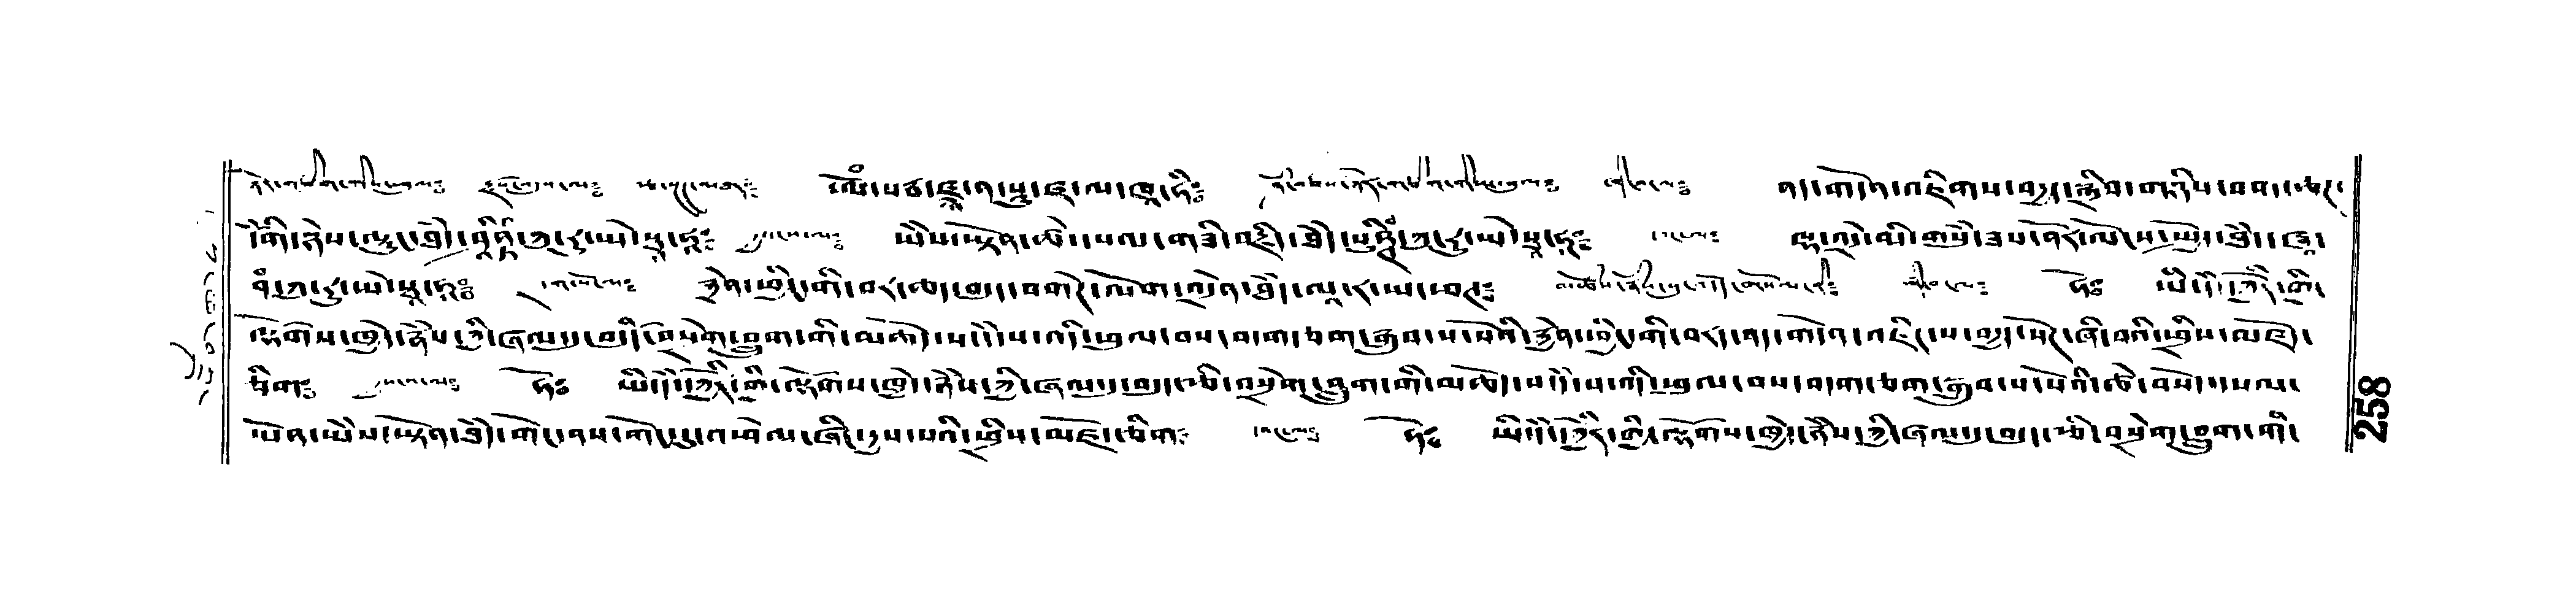ཉེར་གཅིག་གིས་ཕུལ༔ རྫས་འདུས་ལ༔ རྩ་སྔགས་མཐར༔ ཨོཾ་སརྦ་ཛྙཱ་ན་པཱུ་ཛ་ལ་ཁཱ་ཧི༔ ཤམ་བཅས་ཉེར་གཅིག་གིས་ཕུལ༔ ཞི་བ་ལ༔ ནད་གདོན་འཇིགས་བརྒྱད་སྒྲིབ་གཉིས་བག་ཆགས་
དམ་ཚིག་ཉེས་ལྟུང་ཐམས་ཅད་ཤཱནྟིཾ་ཀུ་རུ་ཡེ་སྭཱ་ཧཱ༔ རྒྱས་པ་ལ༔ ཡེ་ཤེས་ཡོན་ཏན་ཚེ་དཔལ་གཟི་བརྗིད་ཐམས་ཅད་པུཥྚིཾ་ཀུ་རུ་ཡེ་སྭཱ་ཧཱ༔ དབང་ལ༔ ལྷ་འདྲེ་མི་གསུམ་ཟས་ནོར་ལོངས་སྤྱོད་ཐམས་ཅད་ཝཱ་
ཤཾ་ཀུ་རུ་ཡེ་སྭཱ་ཧཱ༔ དྲག་པོ་ལ༔ རྐྱེན་ཕྱི་ནང་གི་བར་ཆད་བདུད་བགེགས་ལོག་འདྲེན་ཐམས་ཅད་མཱ་ར་ཡ་ཕཊ༔ མཚམས་རྣམས་སུ་འདོད་གསོལ་ནི༔ ཞི་བ་ལ༔ ཧོཿ ཡི་དམ་དཀྱིལ་འཁོར་གྱི་
ལྷ་ཚོགས་ཁྱེད་རྣམས་ཀྱི་ཞལ་དུ་བདུད་རྩི་སྲེག་བླུག་གི་མཆོད་པ་དམ་པ་འདི་ཕུལ་བས་བདག་ཅག་སྒྲུབ་པ་པོའི་རྐྱེན་ཕྱི་ནང་གི་བར་ཆད་ནད་གདོན་འཇིགས་པ་བརྒྱད་སོགས་ཞི་བའི་ཕྲིན་ལས་མཛོད་
ཅིག༔ རྒྱས་པ་ལ༔ ཧོཿ ཡི་དམ་དཀྱིལ་འཁོར་གྱི་ལྷ་ཚོགས་ཁྱེད་རྣམས་ཀྱི་ཞལ་དུ་བདུད་རྩི་སྲེག་བླུག་གི་མཆོད་པ་དམ་པ་འདི་ཕུལ་བས་བདག་ཅག་སྒྲུབ་པ་པོའི་ཚེ་བསོད་དཔལ་
ཡོན་ཡེ་ཤེས་ཡོན་ཏན་ཐམས་ཅད་གོང་ནས་གོང་དུ་འཕེལ་ཞིང་རྒྱས་པའི་ཕྲིན་ལས་མཛོད་ཅིག༔ དབང་ལ༔ ཧོཿ ཡི་དམ་དཀྱིལ་འཁོར་གྱི་ལྷ་ཚོགས་ཁྱེད་རྣམས་ཀྱི་ཞལ་དུ་བདུད་རྩི་སྲེག་བླུག་གི་